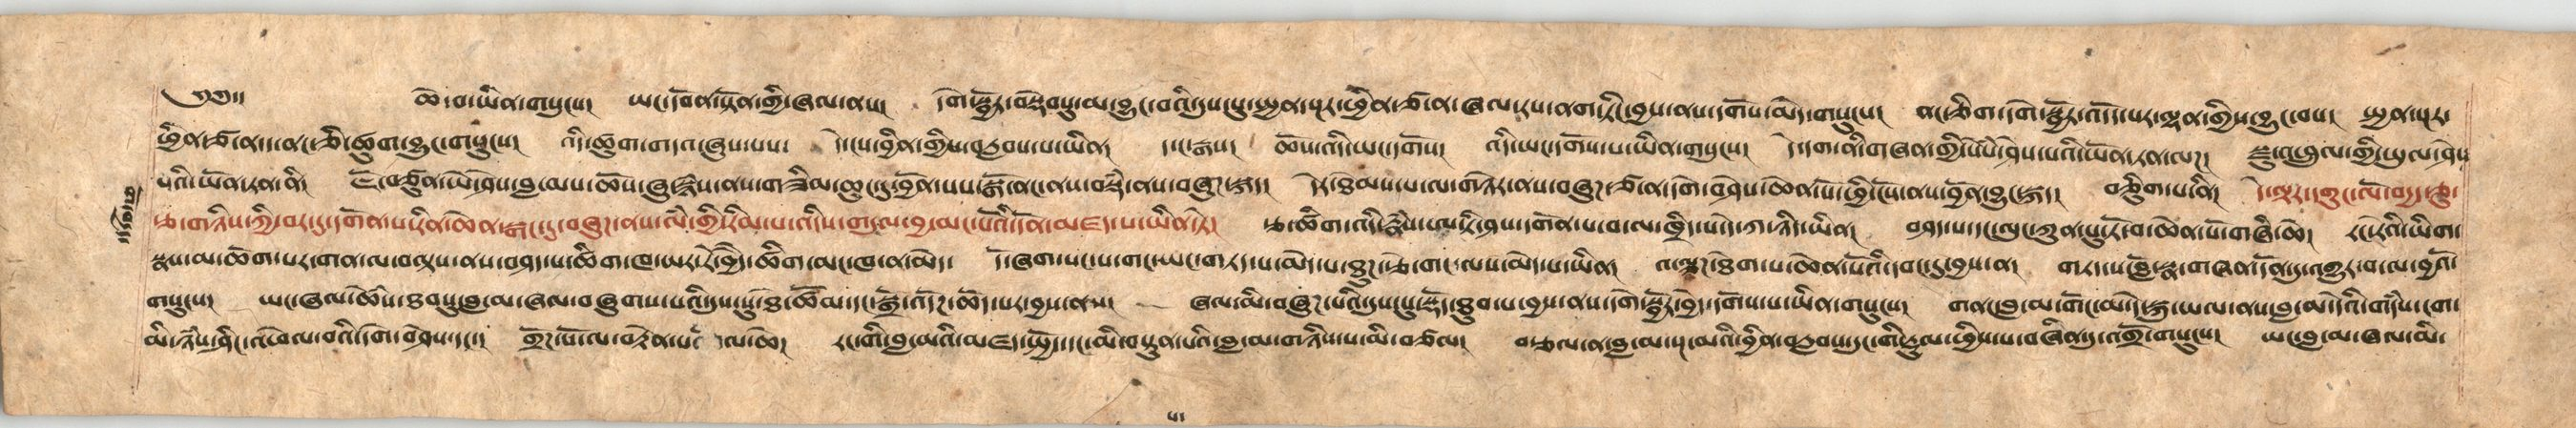ཆེ་བ་ཡིན་གསུངས། ཡང་དབོན་སྟོན་གྱི་ཞལ་ནས། དགེ་སྦྱོར་བསྡེབསུ་མ་བྱུང་བའི་དུས་སུ་སྤྱན་སྔར་ཕྱིན་ཙ་ན་ཞལ་རས་ནག་རིང་བྱས་ནས་དགོས་མེད་གསུངས། ནང་ཅིག་དགེ་སྦྱོར་འདོད་པར་ལྷན་གྱིས་བྱུང་བས། སྤྱན་སྔར་
ཕྱིན་ཙ་ན་ད་ནང་ཅི་ཚུག་བྱུང་གསུངས། འདི་ཚུག་གདའ་ཞུས་པས། དེ་ངས་བྱིན་གྱིས་བརླབས་པ་ཡིན། ད་ང་རྒས། ཆོས་འདི་ཡང་དགོས། འདི་ཡང་དགོས་པ་ཡིན་གསུངས། དེ་དག་ནི་གཞན་གྱི་སེཾས་ཤེས་པའི་ཡོན་ཏན་ལཌ། སྫུ་འཕྲུལ་གྱི་ཡུལ་ཤེས
པའི་ཡོན་ཏན་ནི། ཇོ་བཙུན་ཡེ་ཤེས་བླ་མས་ཆོས་ཞུ་སྙཾ་ནས་གཟིམ་ཆུང་དུ་བྱོན་པས་སྒོ་ནང་ནས་བསྡཾ་ནས་བཞུཌ་སྐད། དེར་ཐེམས་པ་ལ་གཉེར་ནས་བཞུཌ་ཙ་ན་དགེ་བཤེས་ཆེན་པོ་ཕྱི་ངོས་ནས་བྱོན་བྱུང་སྐད། བཅིུག་པ་ནི། དེ་ལྟར་དགུང་ལོ་བདྱད་ཅུ
རྩ་གཉིས་ཀྱི་བར་དུ་དགོན་པ་རིན་ཆེན་སྒང་དུ་བཞུཌ་ནས་ལཾ་གྱི་རིམ་པ་འདིས་གདུལ་བྱ་མང་པོའི་དོན་མཛད་པ་ཡིན་ཏེ། རྩ་ཚིག་འདི་རྣཾས་ཨ་ཏི་ཤས་དགོན་པ་བ་ལ་ཁྲིད་པ་དེ་ཀ་ཉིད་ཡིན། བཤད་པ་དང་ལུང་ཀུན་པུ་ཏོ་བ་ཆེན་པོ་གཞི་ཆེ། རང་རེའི་ཡིག་
སྣས་མ་ཆོག་པར་གན་ལ་བལྟས་ནས་བཤད་པ་ཚིག་ཁ་ཡར་རེ་བྱཻད་ཚིག་མང་ཁ་ན་མེད། དོ་ཞག་པང་པ་གང་ཡང་གཏད་པ་མེད་པ་ཐུཌ་རྩེ་གང་ལས་མེད་པ་ཡིན། འ་ལྕཌ་ཐེག་པ་ཆེན་པོའི་དབང་དུ་བྱས་ན། གཏད་ས་བློ་སྣ་གཞན་དོན་དུ་འགྱུར་བ་ལ་བྱའོ་
གསུངས། ཡང་ཞལ་ཆེཾས་ཐབསུ་བླ་མ་ཞལ་བཞུགས་པའི་དུས་སུ་ཐེ་ཚོམ་དང་སྒྲོ་འདོཌ་ཆོད་པར་བྱས་ནས། ཞལ་མི་བཞུཌ་པའི་དུས་སུ་སྡོད་ཐུབ་པ་བྱས་ནས་དགེ་སྦྱོར་བྱེད་དགོས་པ་ཡིན་གསུངས། གནང་བླ་མ་གོང་མ་དེ་སྐུ་ཡལ་ནས་བླ་མ་དེའི་གདཾས་ངག་
མི་ཉཾས་ཤིང་འཕེལ་བའི་དགེ་བཤེས་དང་། གྲོཌ་པོ་ལ་བརྟེན་པ་གལ་ཆེ། རང་གི་བླ་མའི་མཛད་སྤྱོད་དང་མི་མསྟུན་པའི་བླ་མ་གཉིས་པ་མི་བཙལ། བརྩལ་ན་བླ་མ་སྔ་མའི་བྱིན་བརླབས་དུང་གི་རྡུལ་ཕྱིས་པ་བཞིན་དུ་འགྲོ་གསུངས། ཡང་བླ་མ་ཞལ་མི་